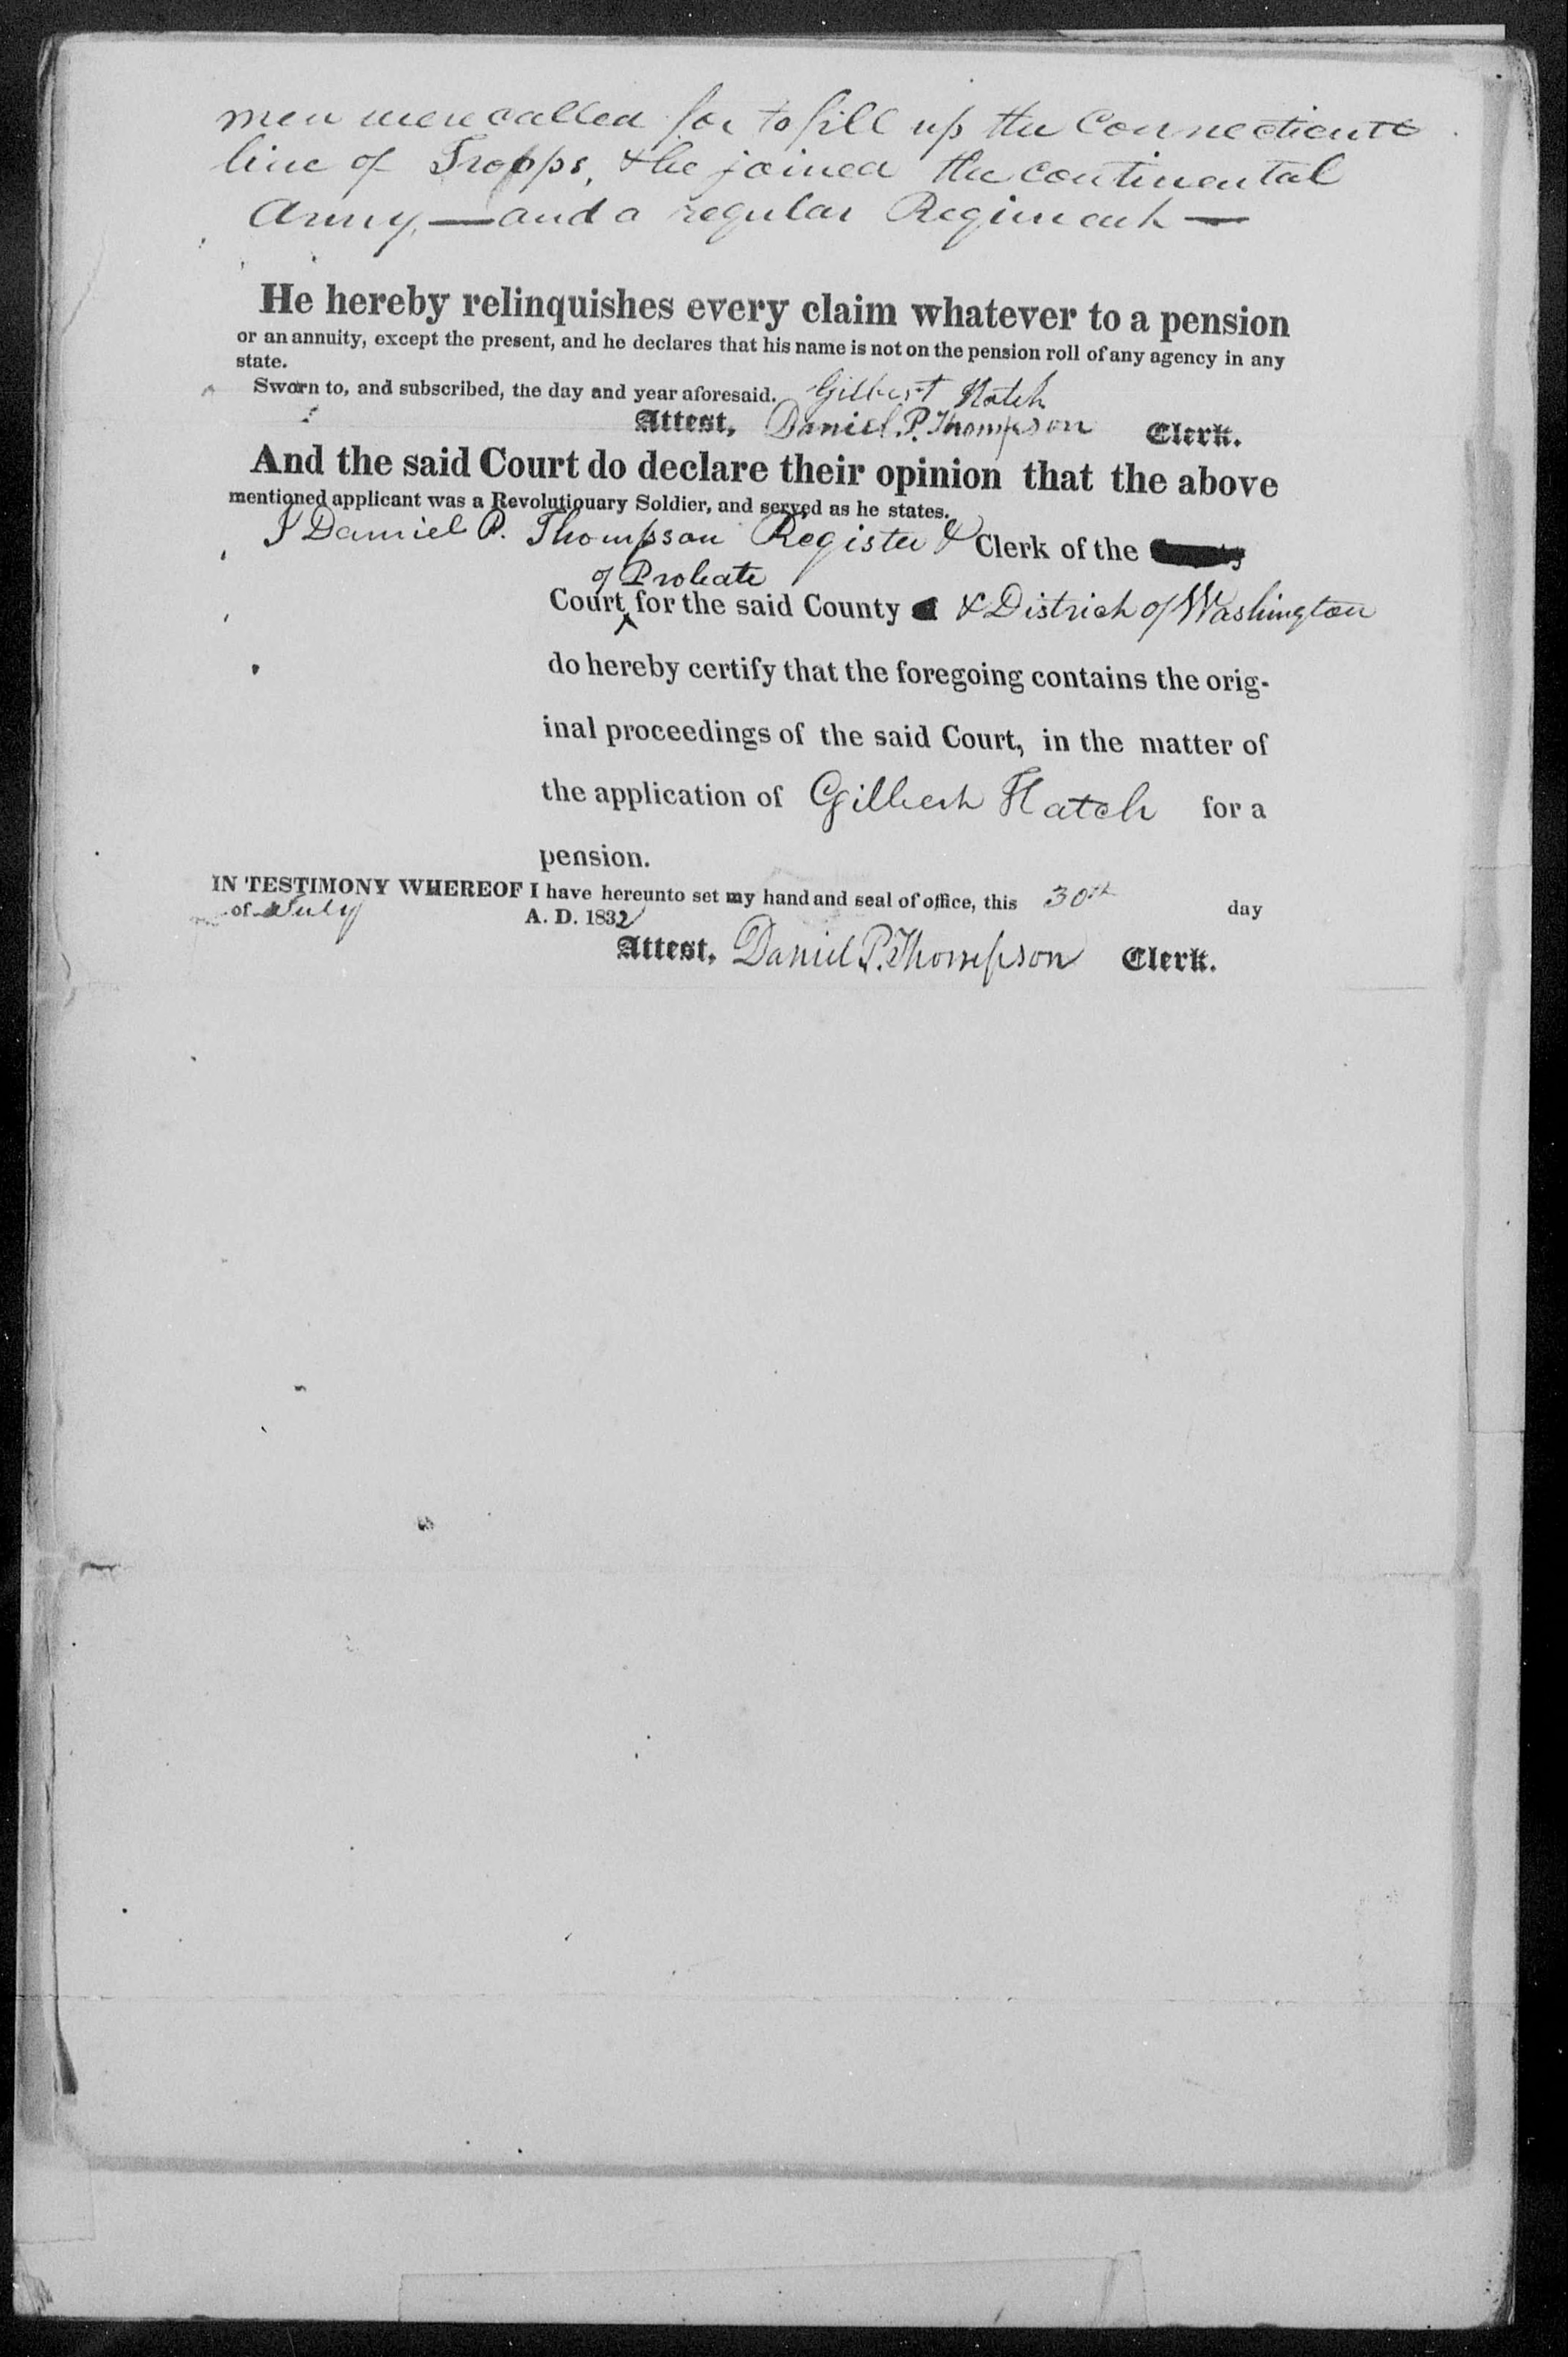men were called for to fill up the Connecticut line of Troops. He joined the continental Army, - and a regular Regiment -
[end handwritten]

He hereby relinquishes every claim whatever to a pension or an annuity, except the present, and he declares that his name is not on the pension roll of any agency in any state.

Sworn to and subscribed, the day and year aforesaid, [handwritten: Gilbert Hatch]
Attest, [handwritten: Daniel P. Thompson] Clerk.

And the said Court do declare their opinion that the above mentioned applicant was a Revolutionary Soldier, and served as he states.

[handwritten: I Daniel P. Thompson Register &] Clerk of the [crossed out word]  Court [^ of Probate] for the said County [handwritten: & District of Washington] do hereby certify that the foregoing contains the original proceedings of the said Court, in the matter of
the application of [handwritten: Gilbert Hatch] for a pension.

IN TESTIMONY WHEREOF I have hereunto set my hand and seal of office, this [handwritten: 30th] of [handwritten: July] A. D. 1832

Attest, [handwritten: Daniel P. Thompson] Clerk.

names: Daniel P Thompson, Gilbert Hatch, Daniel P Thompson, Daniel P Thompson, Gilbert Hatch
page: 7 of 47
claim: widow's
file: W. 225, Gilbert Hatch, Conn.